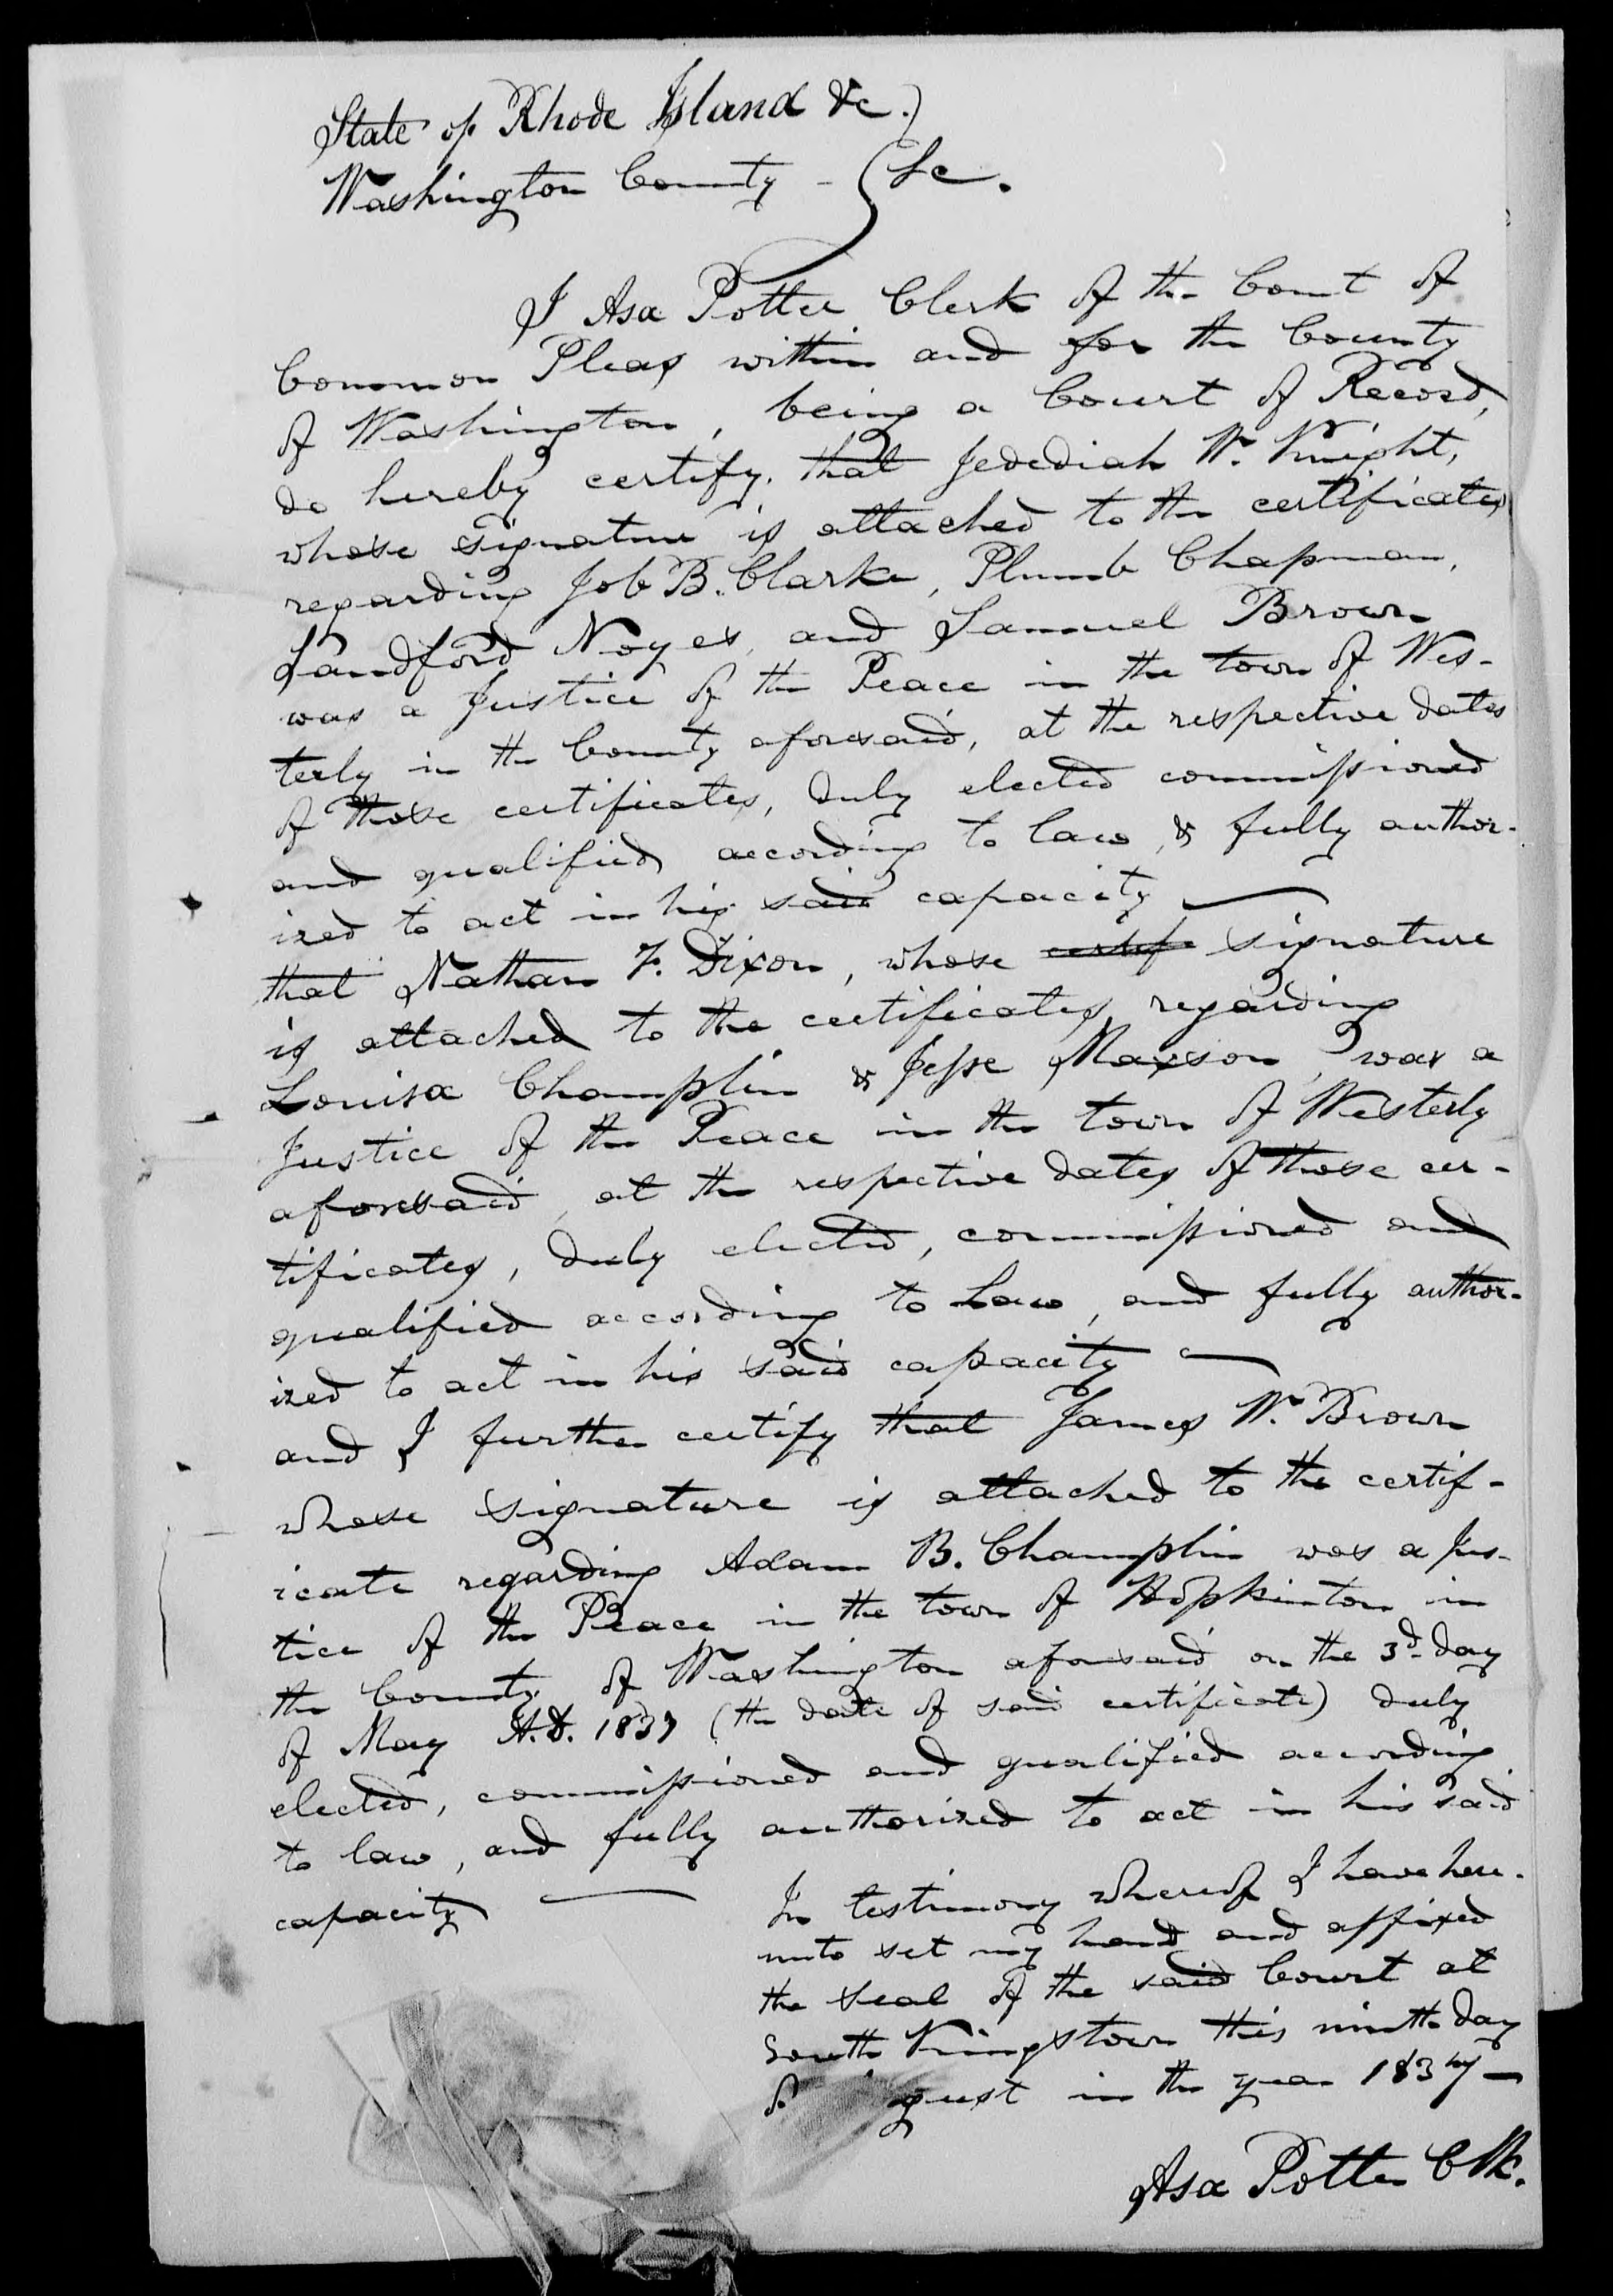State of Rhode Island &c. Washington County ss.
I, Asa Potter Clerk of the Court of Common Pleas within and for the county of Washington, being a Court of Record, do hereby certify, that Jedidiah W. Knight, whose signature is attached to the certificates regarding Job B. Clarke, Plumb Chapman, Sandford Noyes and Samuel Brown was a Justice of the Peace in the town of Westerly in the county aforesaid, at the respective dates of those certificates, duly elected commissioned and qualified according to law, & fully authorized to act in his said capacity.
That Nathan F. Dixon, whose signature is attached to the certificates regarding Louisa Champlin & Jesse Maxson, was a Justice of the Peace in the town of Westerly aforesaid, at the respective dates of those certificates, duly elected, commissioned and qualified according to law, and fully authorized to act in his said capacity.
And I further certify that James W. Brown whose signature is attached to the certificate regarding Adam B. Champlin was a Justice of the Peace in the town of Hopkinton in the county of Washington aforesaid on the 3d day of May A.D. 1837 (the date of said certificate) duly elected, commissioned and qualified according to law, and fully authorized to act in his said capacity.
In testimony whereof I have hereunto set my hand and affixed the seal of the said Court at South Kingstown this ninth day of August in the year 1837.
Asa Potter Clk.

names: Plumb Chapman, Samuel Brown, Asa Potter, James W Brown, Jedediah W Knight, Asa Potter, Job B Clarke, Jesse Maxson, Adam B Champlin, Nathan F Dixon, Sanford Noyes, Louisa Champlin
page: 41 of 48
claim: widow's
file: W. 17,628, Arnold Clarke, R.I.